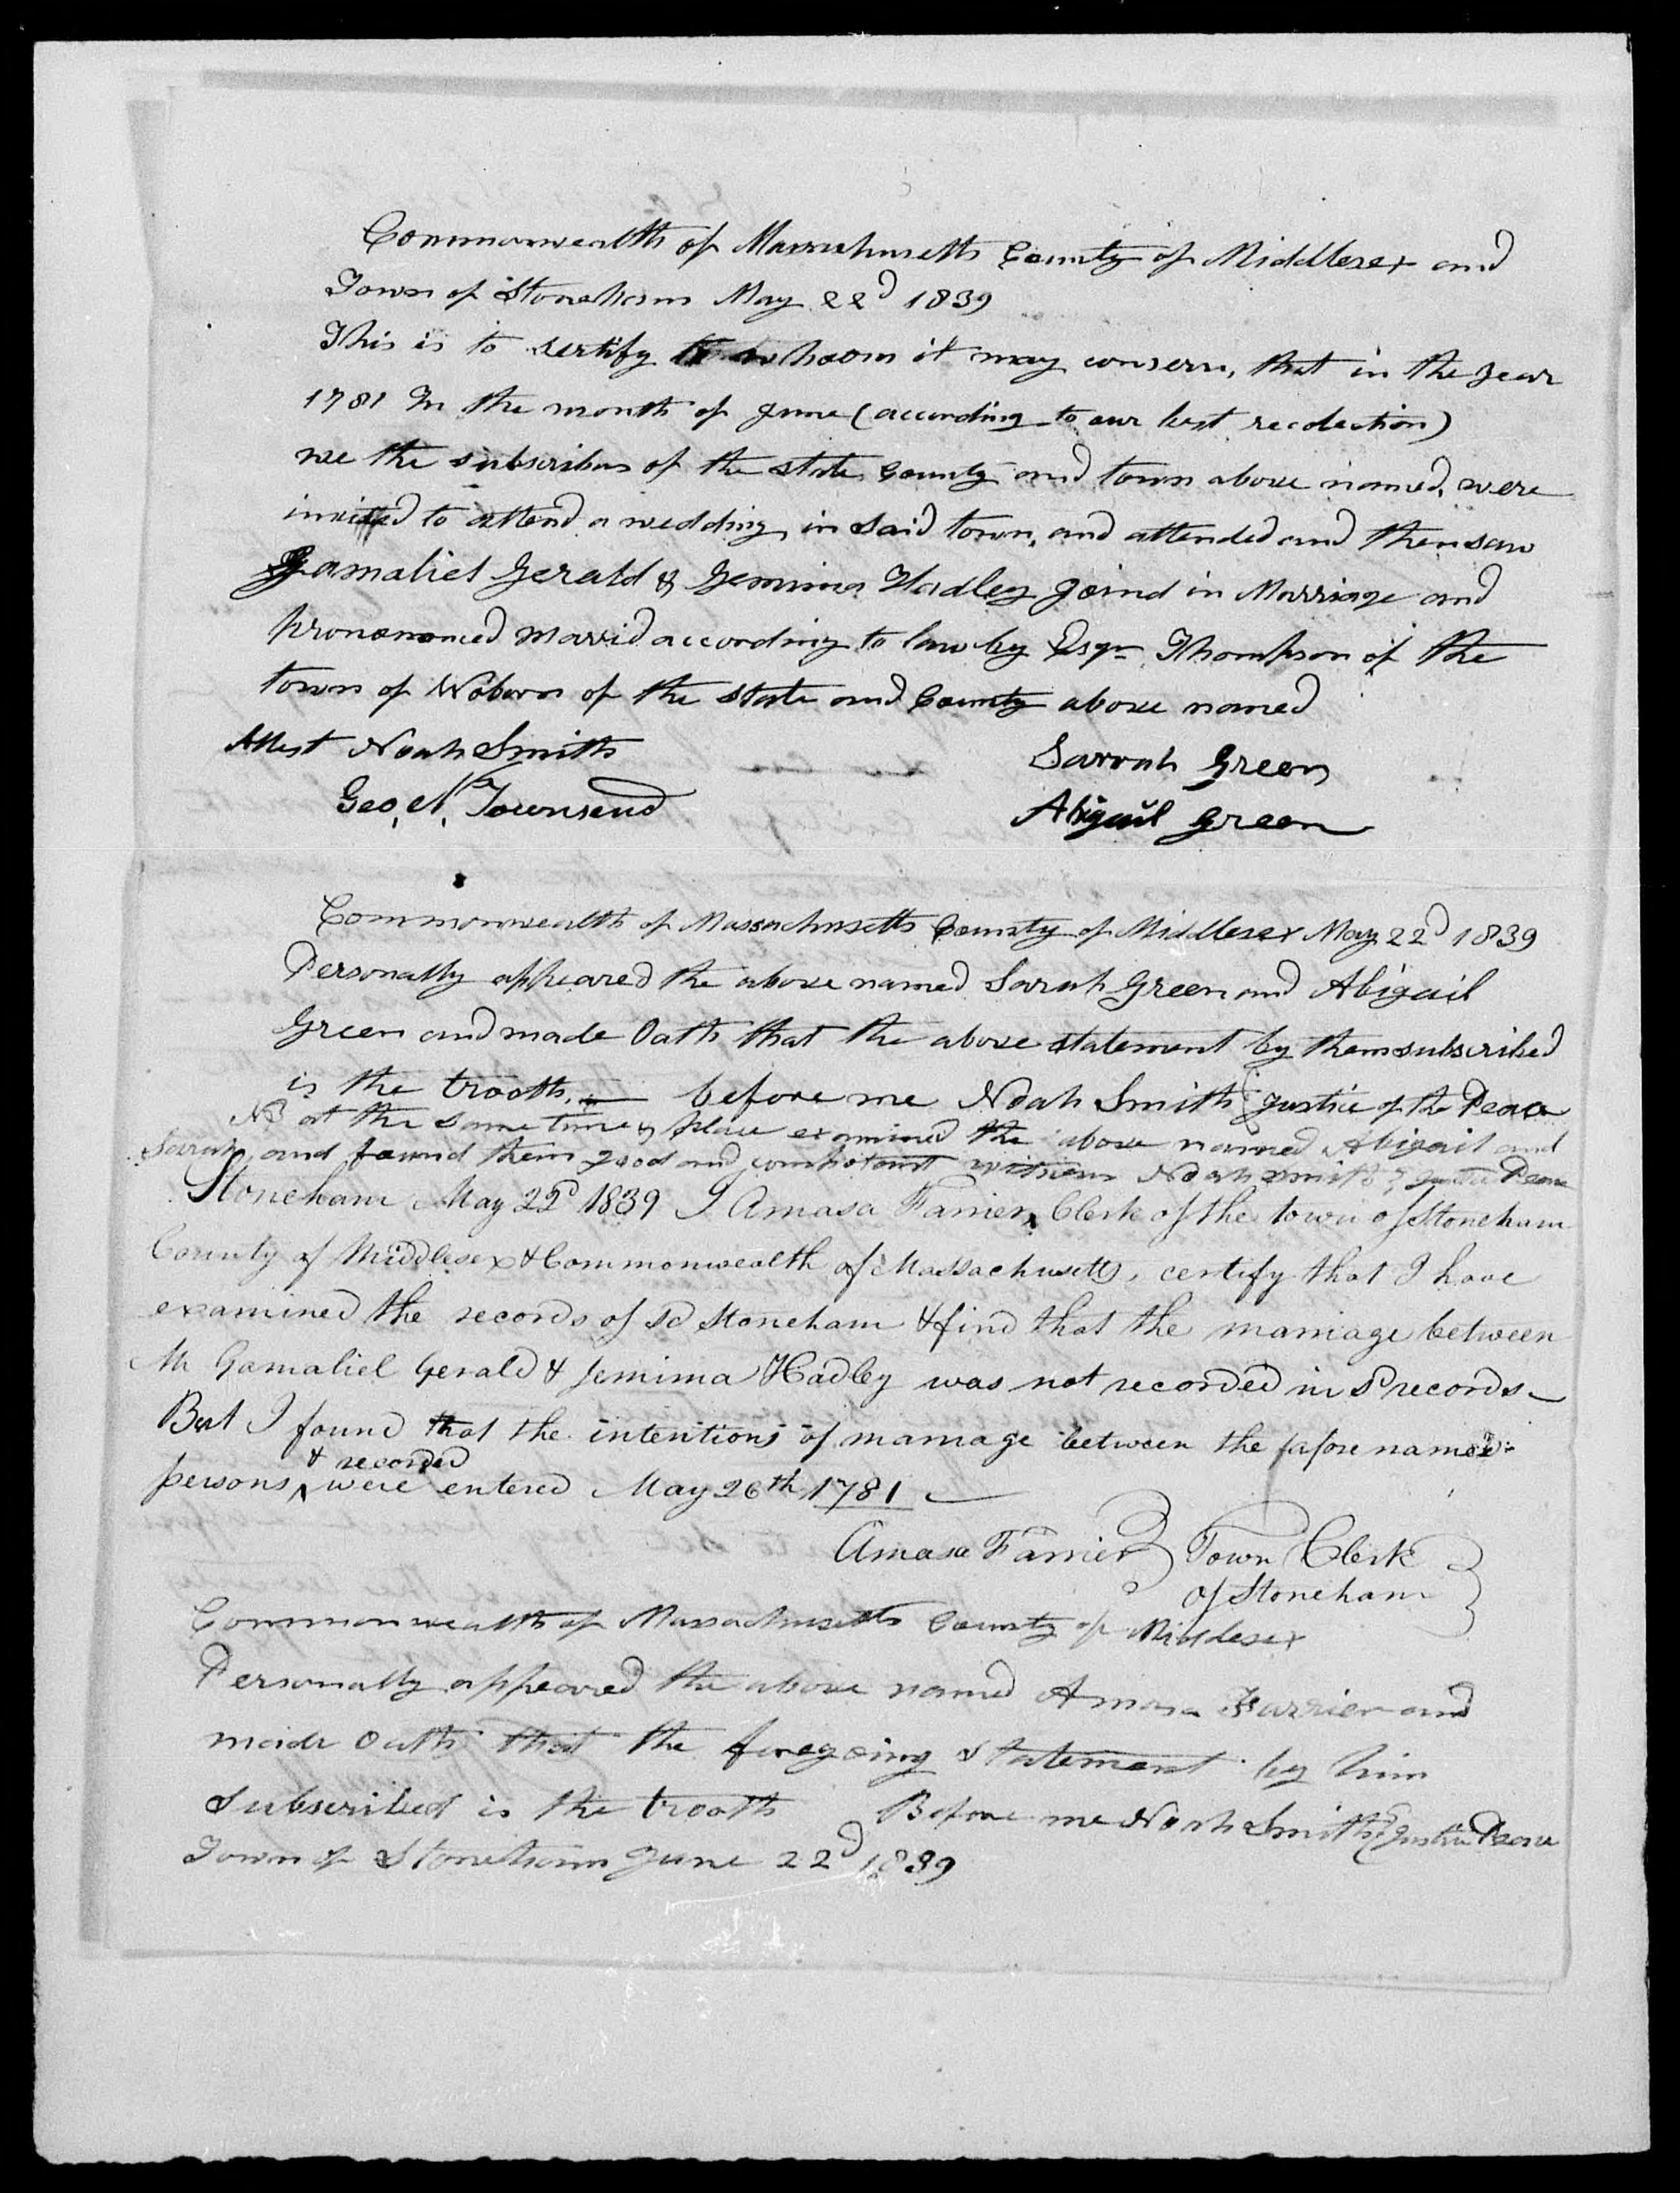Commonwealth of Massachusetts County of Middlesex and Town of Stoneham May 22nd 1839
This is to certify to whom it may concern, that in the year 1781 in the month of June (according to our best recollection) we the subscribers of the stated county and town above named, were invited to attend a wedding in said town, and attended and then saw Gamaliel Gerald & Jemima Hadley joined in marriage and pronounced married according to the law by Esq. Thompson of the town of Woburn of the Sate and County above named.
Attest Noah Smith    Sarah Green
Geo N. Townsend        Abigail Green

Commonwealth of Massachusetts County of Middlesex May 22, 1839

Personally appeared the above named Sarah Green and Abigail Green and made oath that the above statement by the subscribed is the truth - before me Noah Smith, Justice of the Peace, (illegible) and found them good and competent witnesses  - Noah Smith Justice of the Peace Stoneham May 22 1839. I Amasa  Farrier, Clerk of the Town of Stoneham, County of Middlesex & Commonwealth of Massachusetts, certify that I have examined the records of said Stoneham & find that the marriage between the afore named persons & recorded were entered May 26th 1781

Amasa Farrier Town Clerk of Stoneham
Commonwealth of Massachusetts County of Middlesex

Personally appeared the above named Amasa Ferrier and made oath that the foregoing statement by him subscribed is the truth. Before me Noah Smith Justice of the Peace
Town of Stoneham June 2 1839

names: Abigail Green, Noah Smith, Amasa Farrier, Noah Smith, Gamaliel Gerald, Abigail, Amasa Farrier, Abigail Green, Gemima Hadley, Sarrah Green, Jemima Hadley, Noah Smith, Amasa Farrier, Gamaliel Gerald, Thompson, Geo N Townsend, Sarah, Noah Smith, Sarah Green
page: 8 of 26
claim: widow's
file: W. 25619, Gamaliel Gerald, Mass.